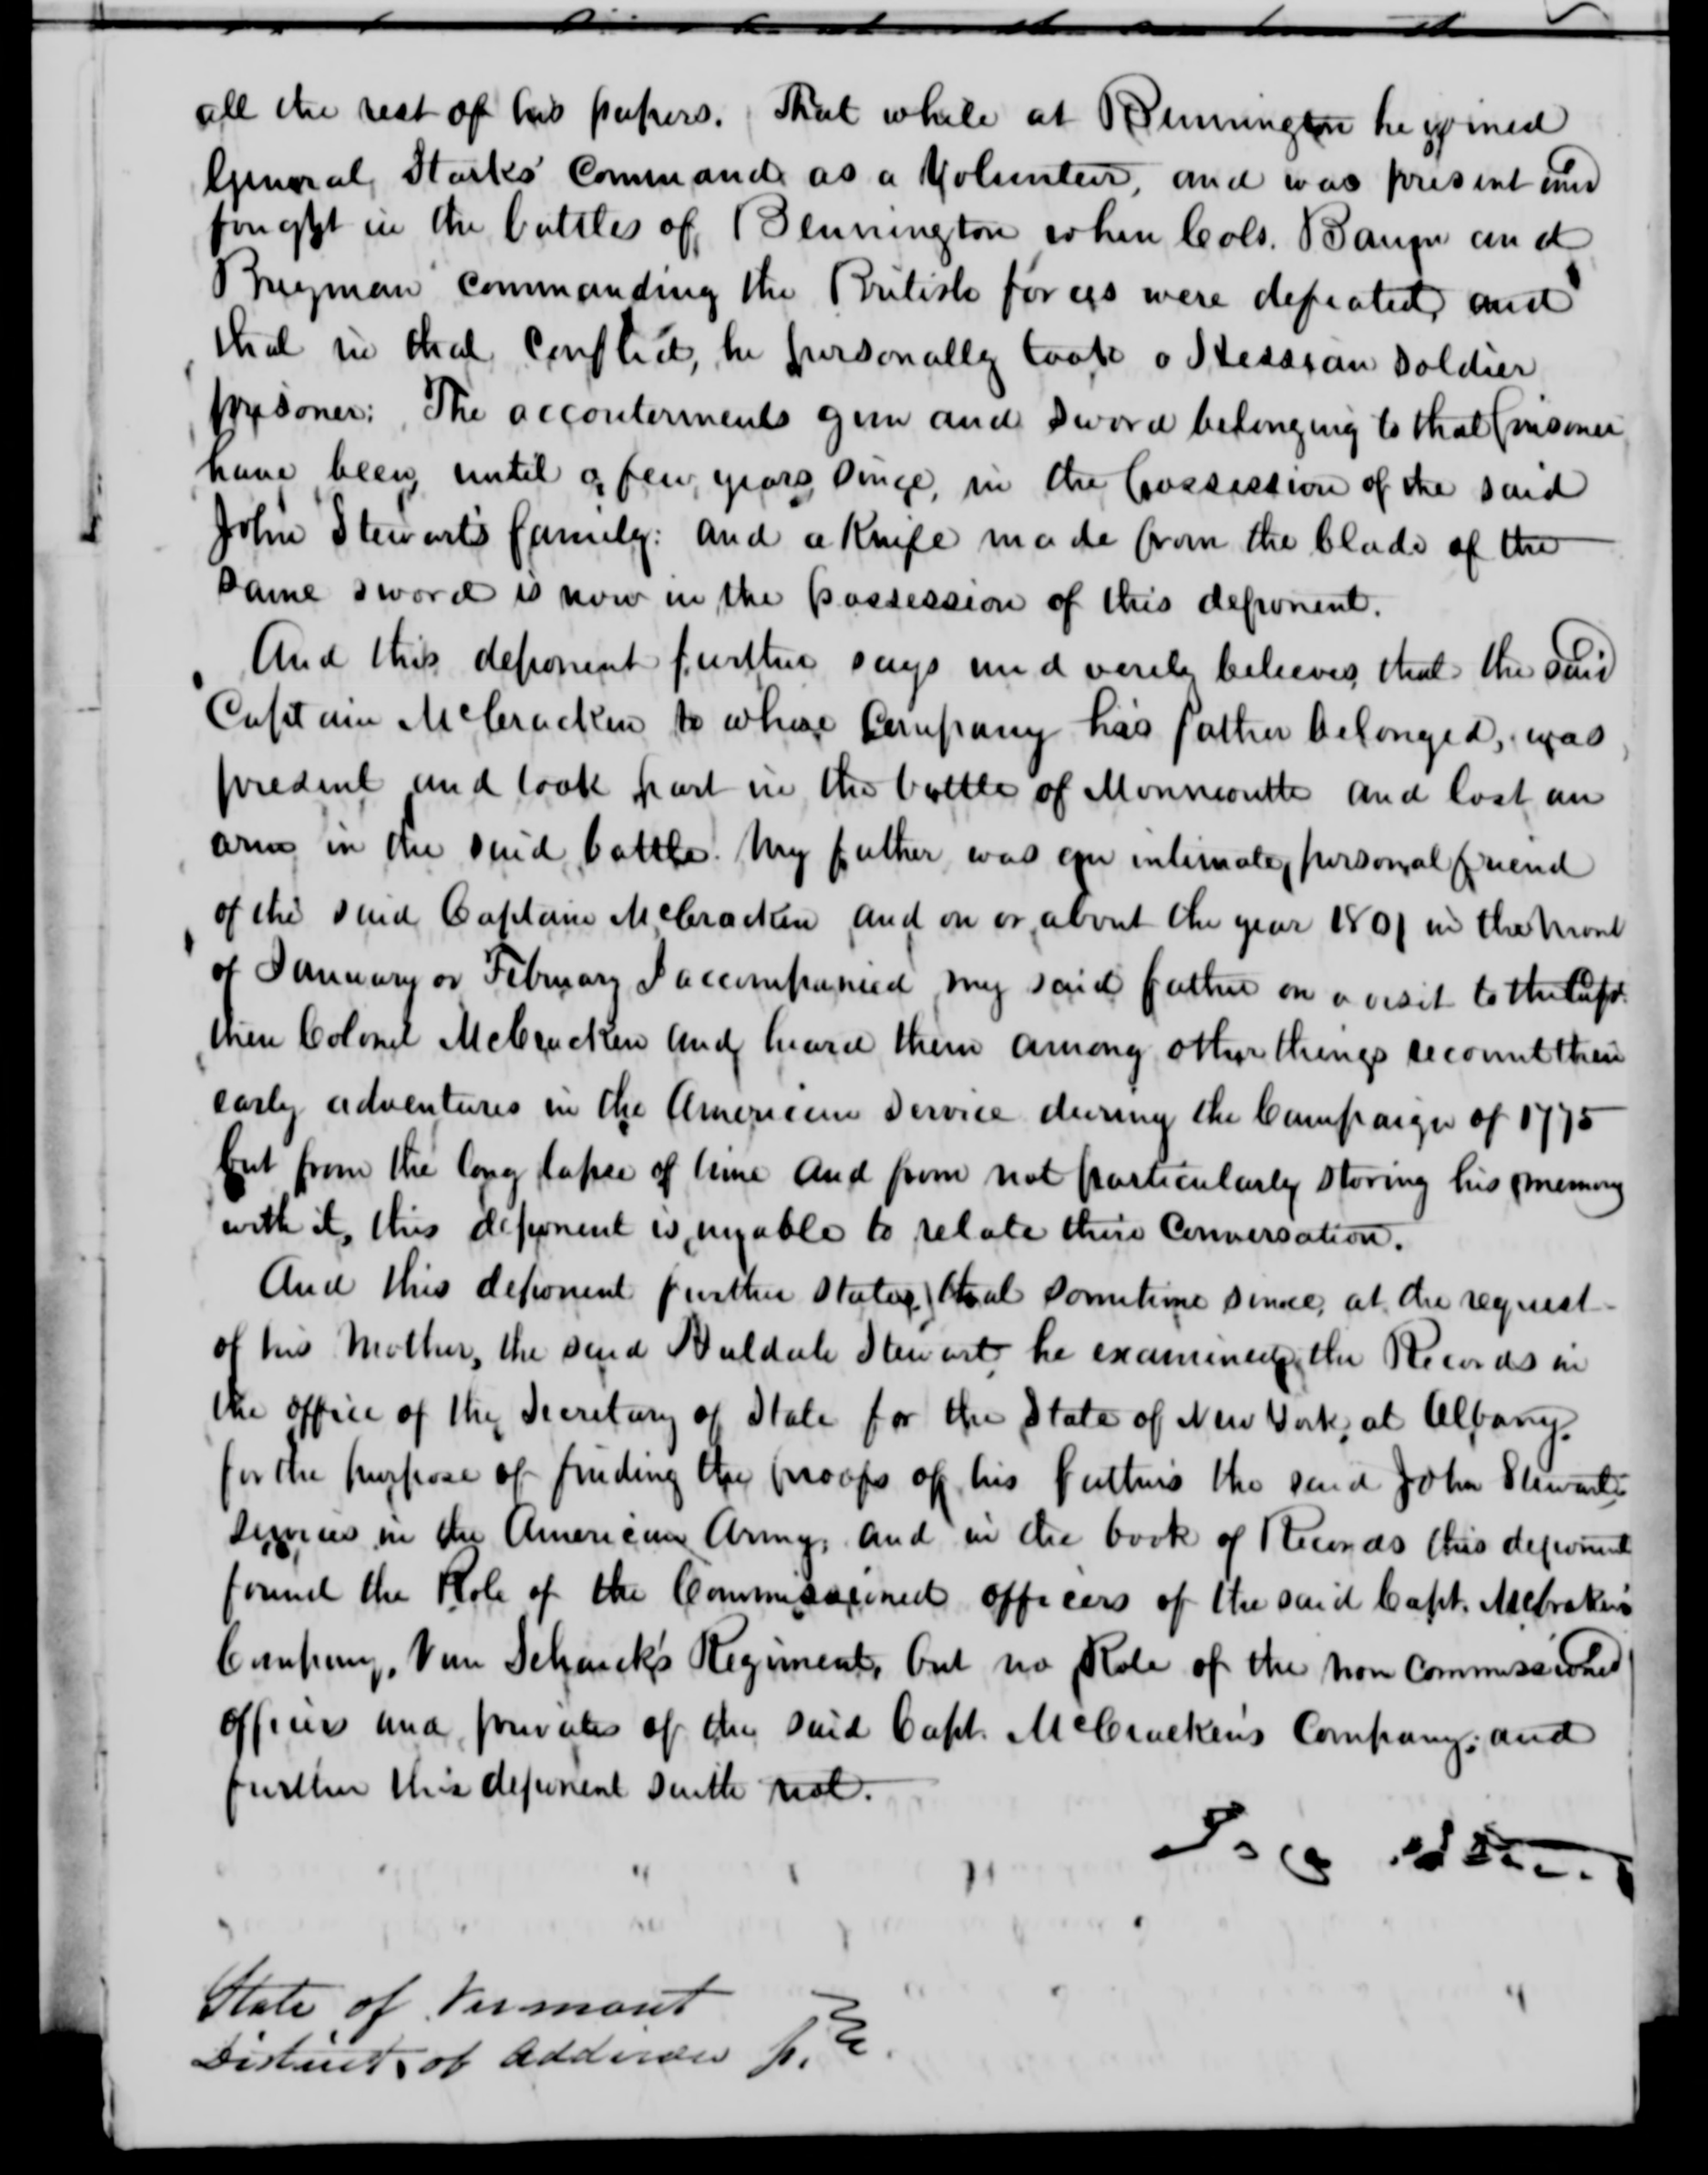all the rest of his papers. That while at Bennington he joined
General Starks command as a volunteer, and was present and
fought in the battles of Bennington when Cols. Baum and
Breymann commanding the British for go were defeated and
that in that conflict, he personally took a Hessian soldier
prisoner: The accouterments given and sword belonging to that prisoner
have been until a few years since, in the possession of the said
John Stewart family; and a knife made from the blade of the same
sword is now in the possession of this deponent.
And this deponent further says and verily believes that the said
Captain McCracken to whose company his father belonged, was
present and took part in the battle of Monmouth and last in
and in the said battle. My father, was on intimate personal friend
of the said Captain McCracken and on or about the year 1809 in the most
of January or February I accompanied my said father on a visit to the Capt
then Colonel McCracken and heard them among other things recount their
early adventures in the American Service during the campaign of 1775
but from the long lapse of time and from not particularly storing his memory
with it, this deponent is unable to relate there conversation.
And this deponent further states that sometime since, at the request
of his mother, the said Huldah Stewart he examined the Records in
the office of the Secretary of State for the State of New York, at Albany
for the purpose of finding the proof of his further the said John Stewart
served in the American Army, and in the book of Records this deponent
found the Role of the Commissioned officers of the said Capt. McCrackens
Company. Van Schaack's Regiment, but no Role of the non commissioned
officers and privates of the said Capt. McCrackins Company and
further this deponent saith not.
[Signature] Ian Stewart

State of Vermont
District of Addiison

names: [BLANK] Mc Cracken; Huldah Stewart; [BLANK] Mc Cracken; John Stewart; [BLANK] Starks; [BLANK] Bregman; John Stewart; John Stewart; [BLANK] Mc Cracken; [BLANK] Banon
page: 9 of 26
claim: rejected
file: R. 10,154, for John Stewart, New Hampshire